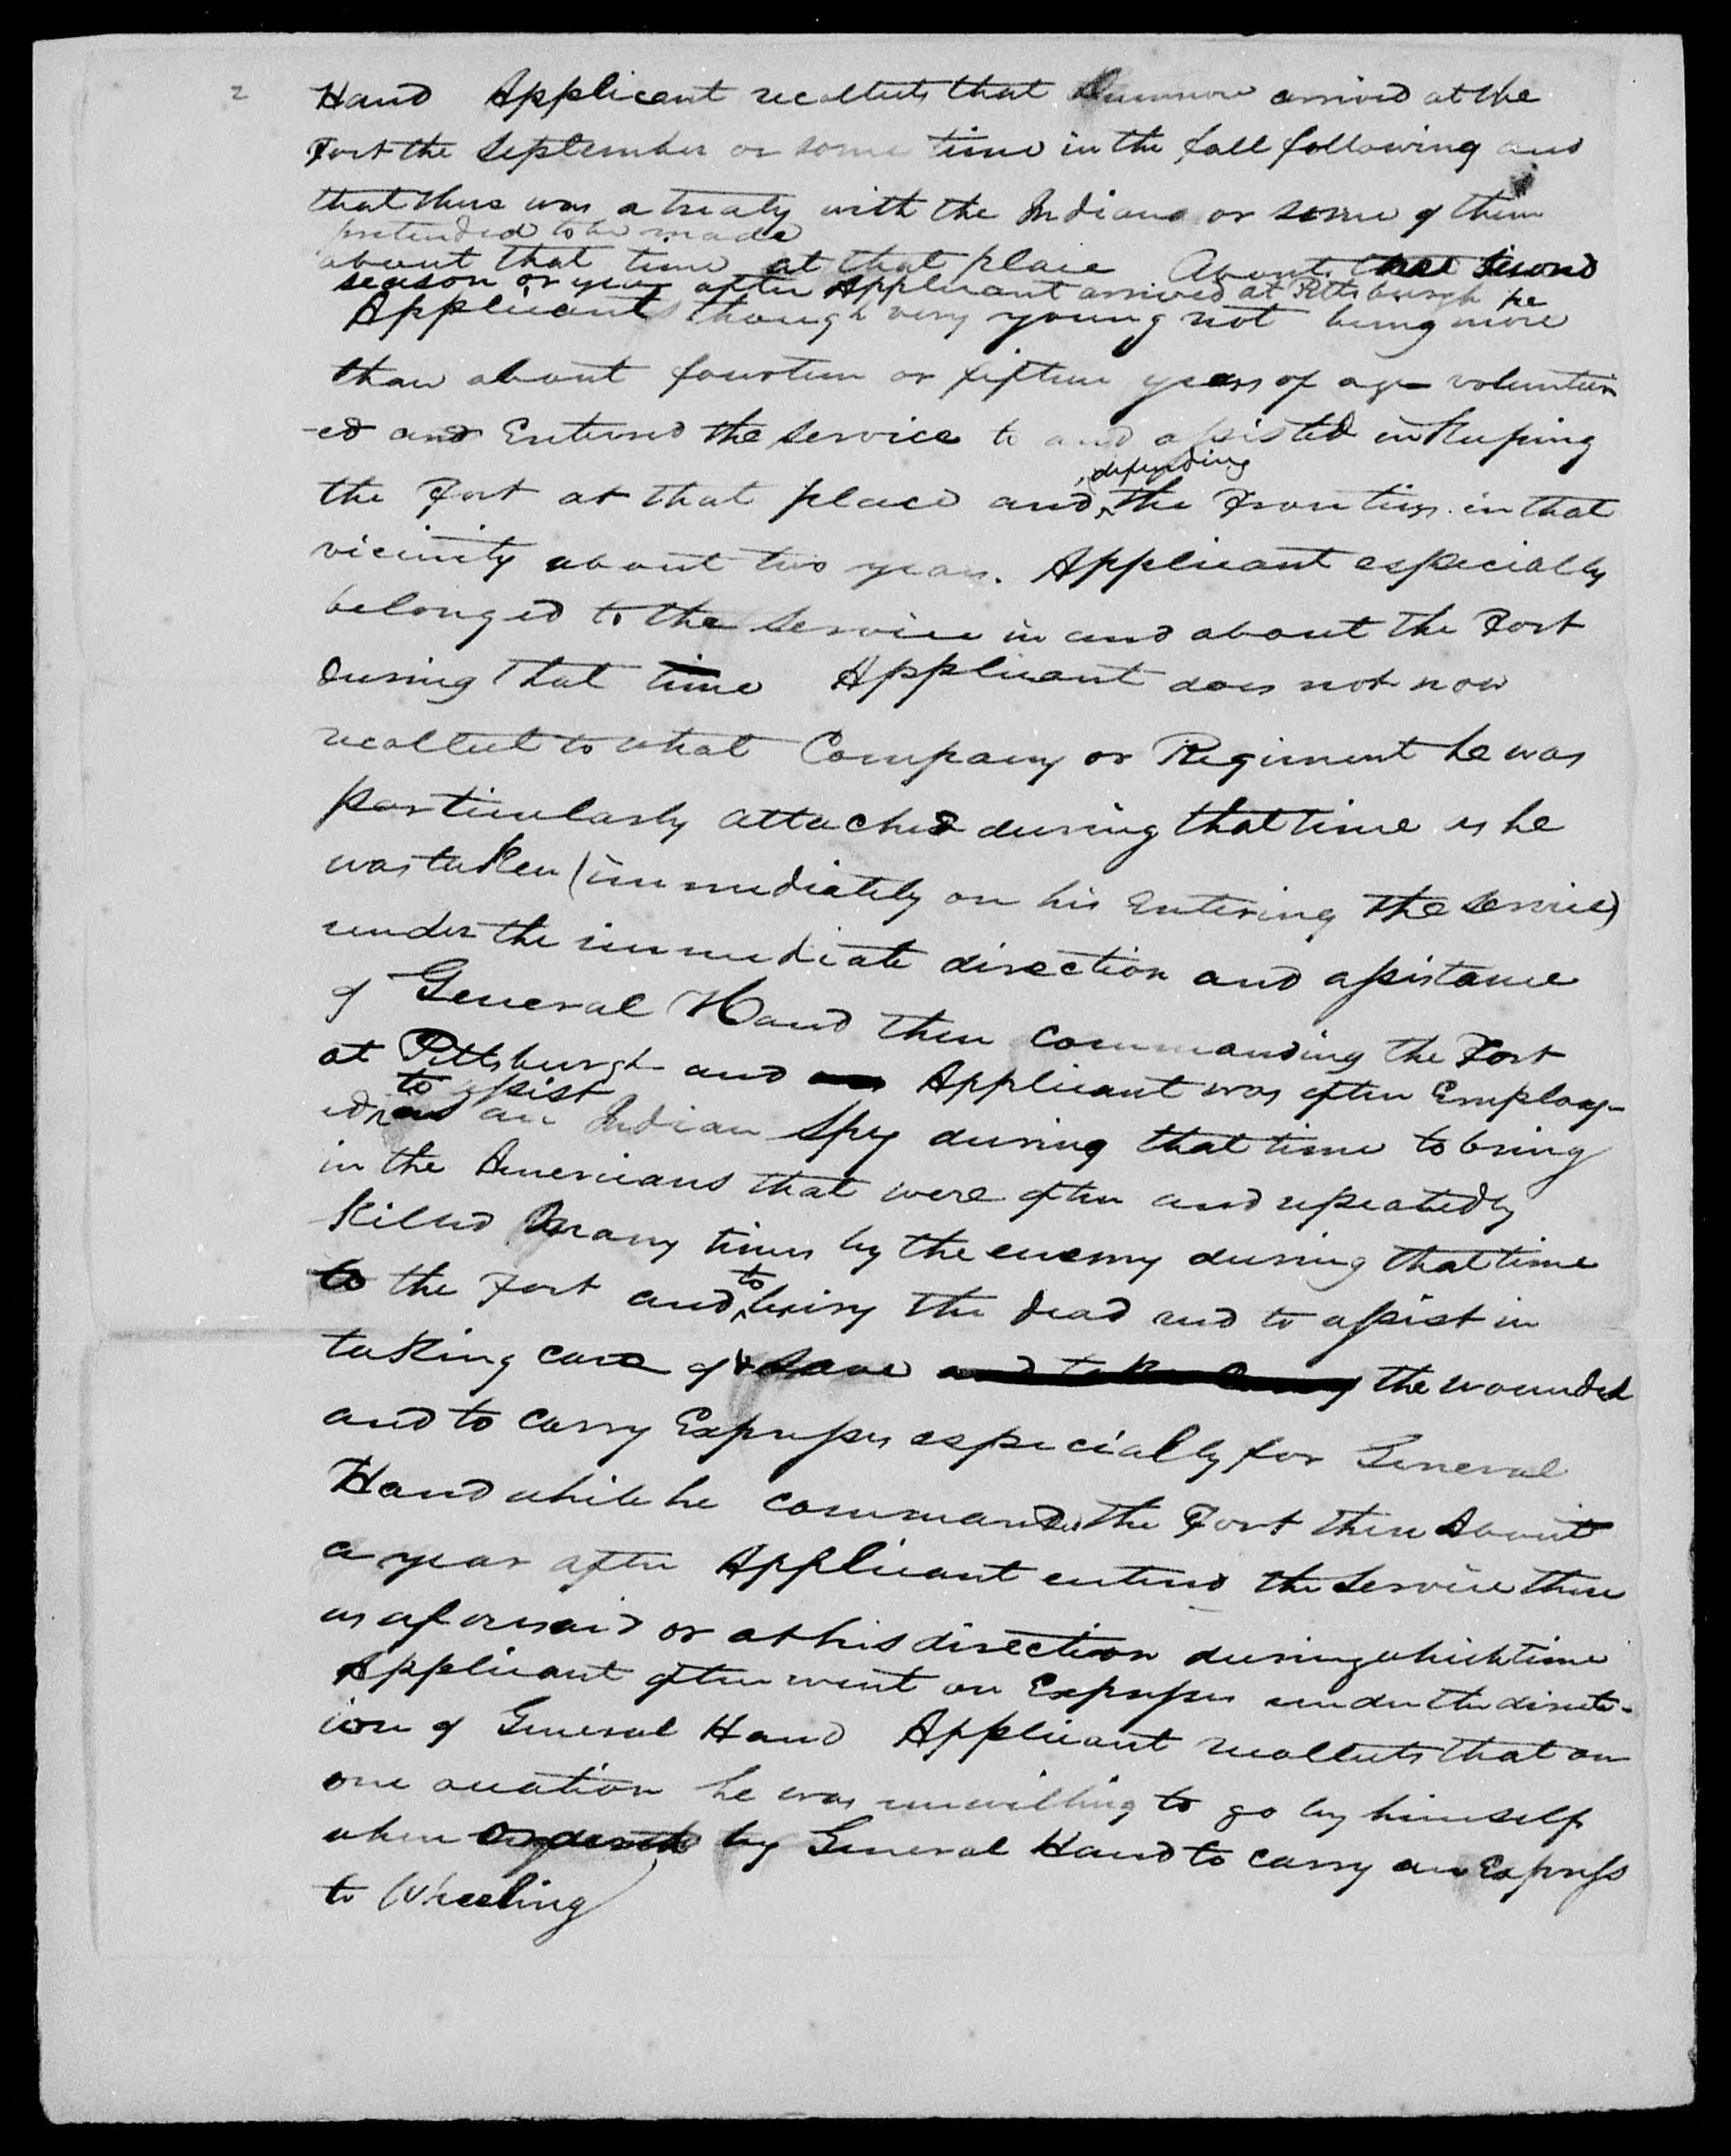2
Hand  Applicant recollects that Dunmore arrived at the Fort the September or some time in the fall following and that there was a treaty with the Indians or some of them pretended to be made about that time at that place.  About that second season or year after Applicant arrived at Pittsburgh the Applicant though very young not being more than about fourteen or fifteen years of age volunteered and Entered the service to and assisted in keeping the fort at that place and defending the frontier in that vicinity about two years.  Applicant especially belonged to the service in and about the Fort during that time  Applicant does not now recollect to what Company or Regiment he was particularly attached during that time as he was taken (immediately on his Entering the service) under the immediate direction and assistance of General Hand then commanding the Fort at Pittsburgh and Applicant was often Employed to assist an Indian Spy during that time to bring in the Americans that were often and repeatedly killed many times by the enemy during that time to the Fort and to bring the dead and to assist in taking care of & save the wounded and to carry Expresses especially for General Hand while he commanded the Fort then about a year after Applicant entered the service there as aforesaid or at his direction during which time Applicant often went on Expresses under the direction of General Hand  Applicant recollects that on one occasion he was unwilling to go by himself when ordered by General Hand to carry an Express to Wheeling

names: Hand, Hand, Hand, Hand, Hand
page: 5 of 36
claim: survivor's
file: S. 31,718, James Guffey, Penn.